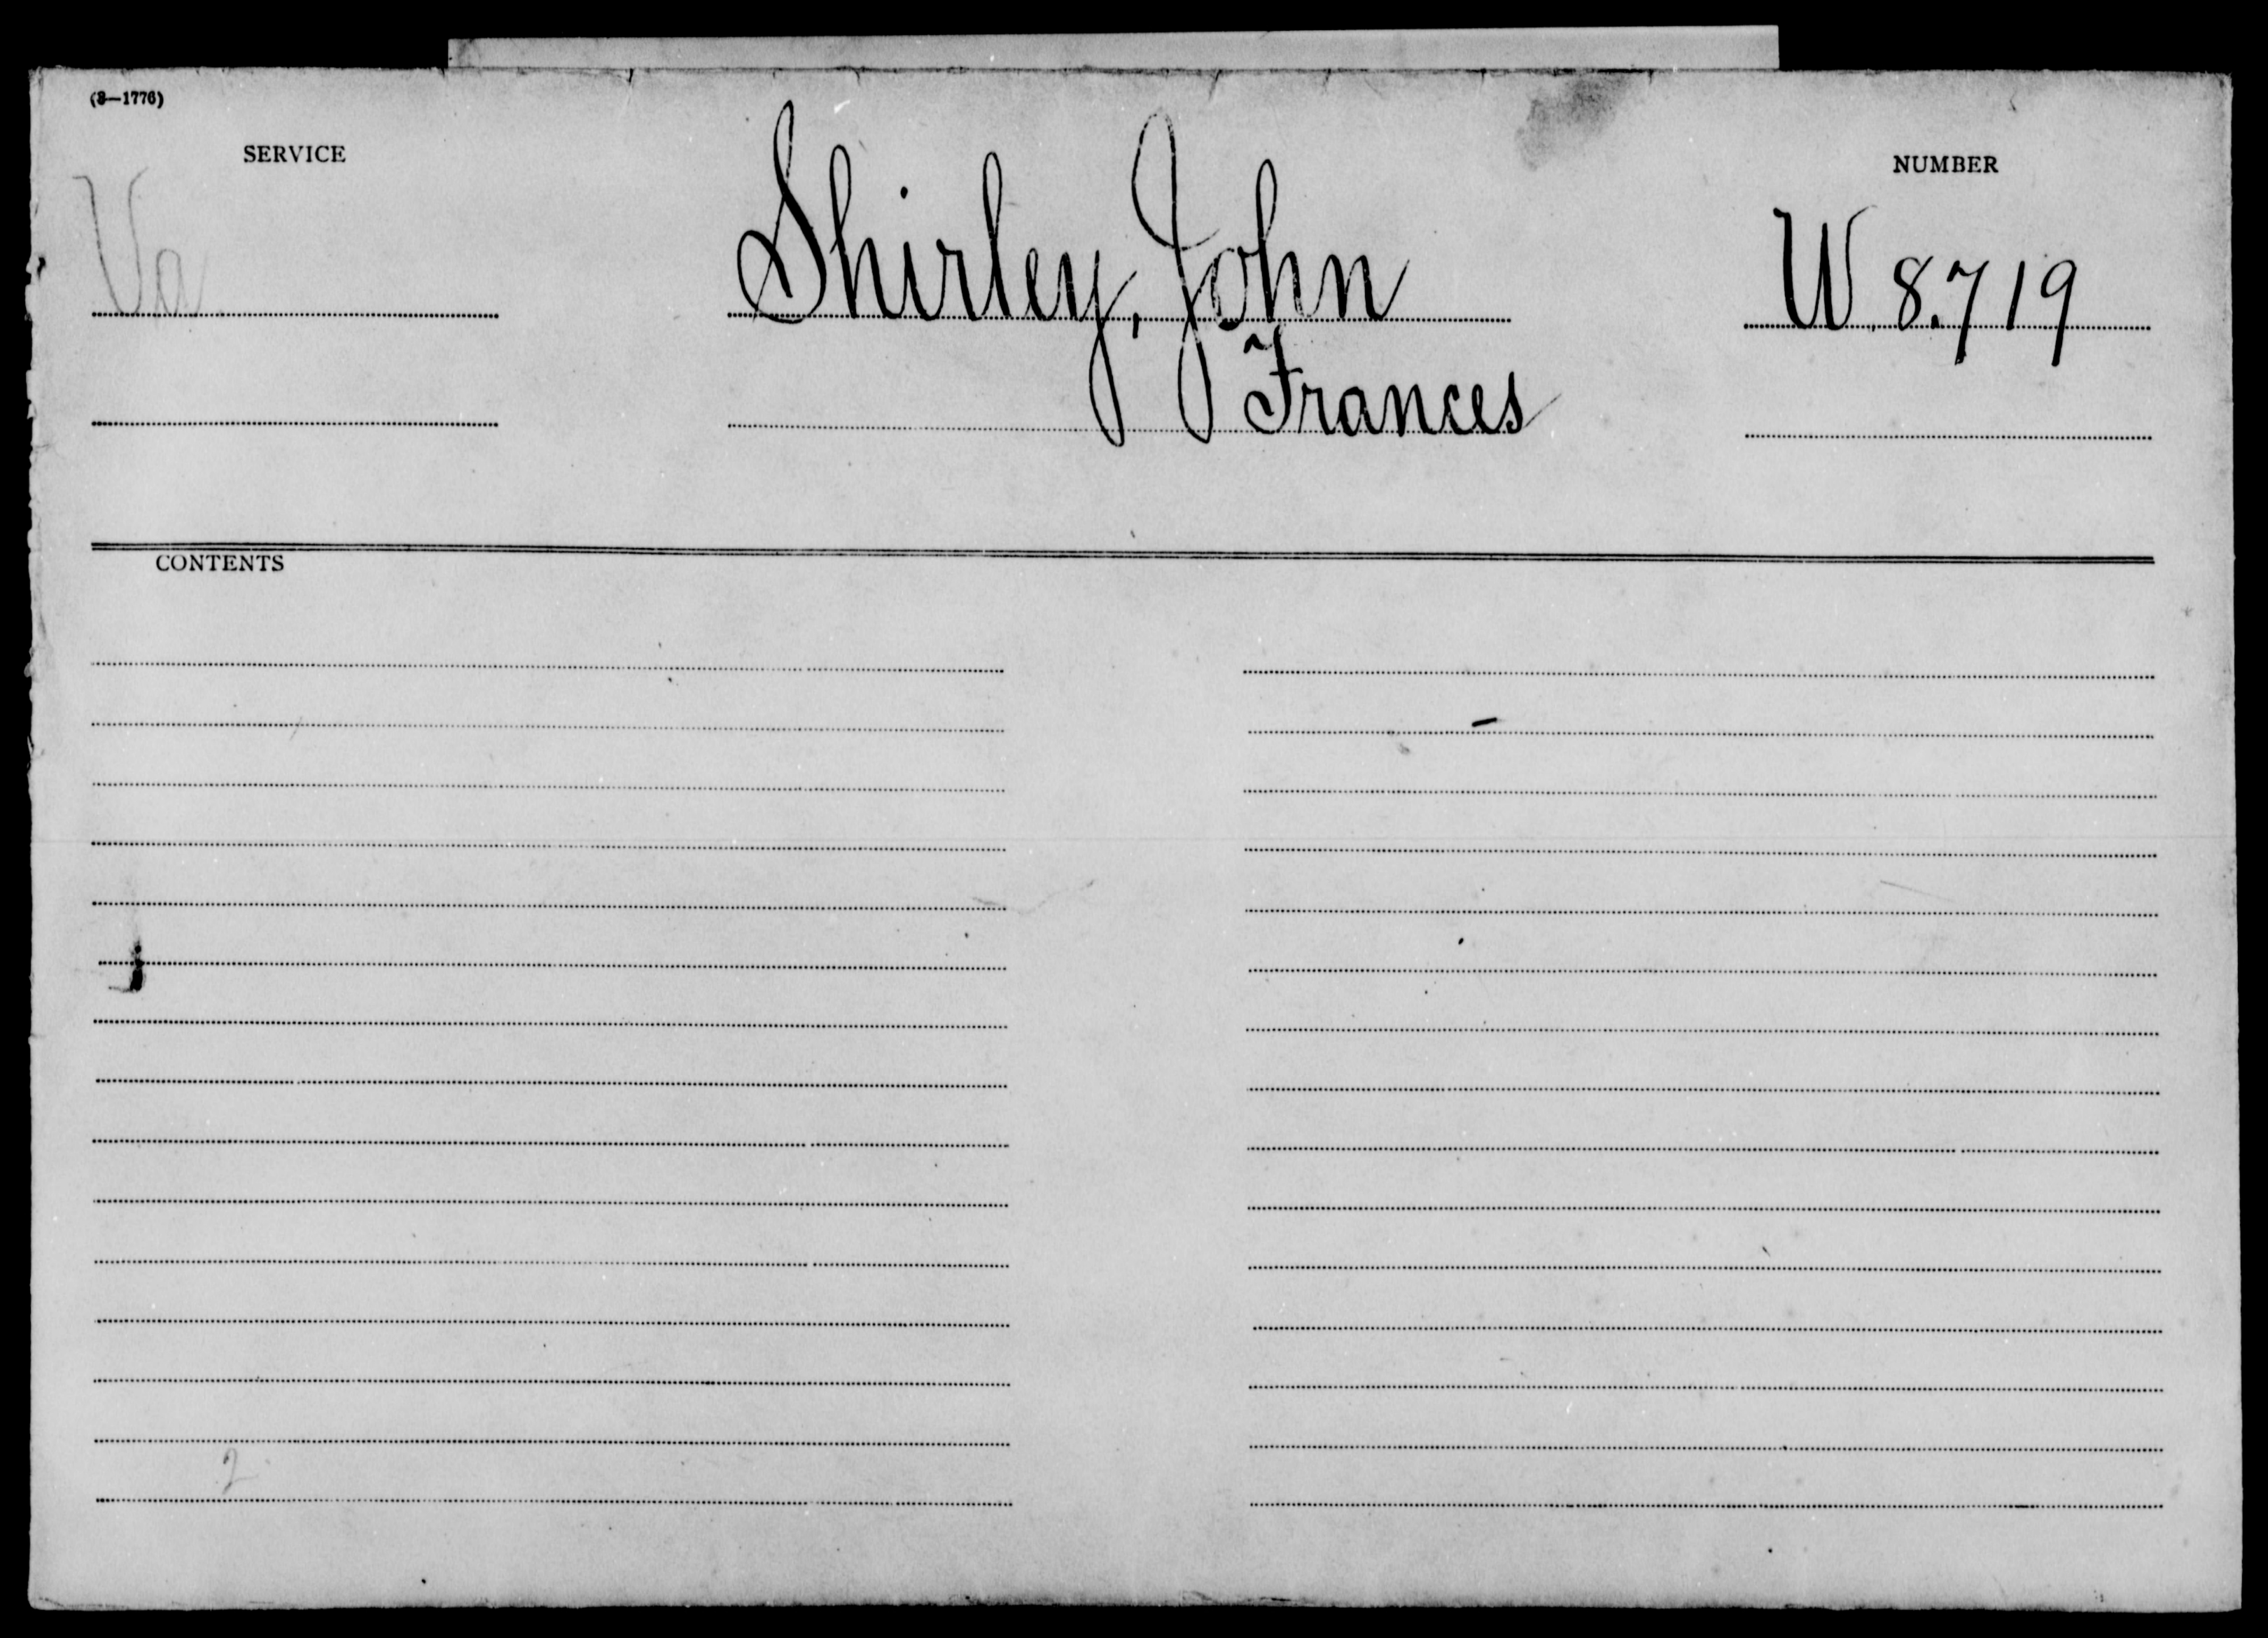(3-1776)

SERVICE
Va.	

Shirley, John
		Frances

NUMBER
W 8.719

CONTENTS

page: 1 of 54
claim: widow's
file: W. 8,719, for John Shirley, Virginia